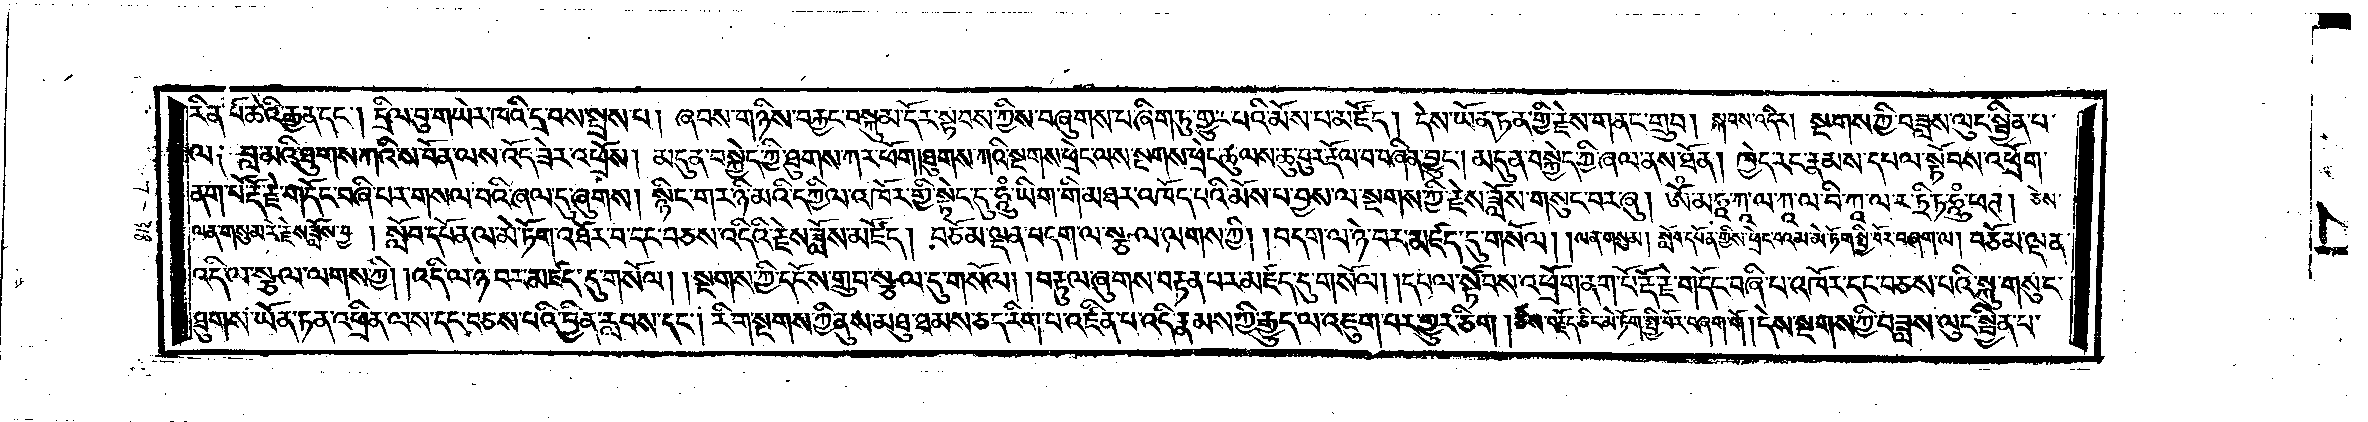རིན་པོ་ཆེའི་རྒྱན་དང་། དྲིལ་བུ་གཡེར་ཁའི་དྲ་བས་སྤྲས་པ། ཞབས་གཉིས་བརྐྱང་བསྐུ་མདོར་སྟབས་ཀྱིས་བཞུགས་པ་ཞིག་ཏུ་གྱུར་པའི་མོས་པ་མཛོད། དེས་ཡོན་ཏན་ཀྱི་རྗེས་གནང་གྲུབ། སྐབས་འདིར། སྔགས་ཀྱི་བཟླས་ལུང་སྦྱིན་པ་
ལ༑ བླ་མའི་ཐུགས་ཀའི་ས་བོན་ལས་འོད་ཟེར་འཕྲོས། མདུན་བསྐྱེད་ཀྱི་ཐུགས་ཀར་ཕོག །ཐུགས་ཀའི་སྔགས་ཕྲེང་ལས་སྔགས་ཕྲེང་ཆུ་ལས་ཆུ་བུར་རྡོལ་བ་བཞིན་བྱུང་། མདུན་བསྐྱེད་ཀྱི་ཞལ་ནས་ཐོན། ཁྱེད་རང་རྣམས་དཔལ་སྟོབས་འཕྲོག་
ནག་པོ་རྡོ་རྗེ་གདོང་བཞི་པར་གསལ་བའི་ཞལ་དུ་ཞུགས། སྙིང་གར་ཉི་མའི་དཀྱིལ་འཁོར་གྱི་སྟེང་དུ་ཧཱུཾ་ཡིག་གི་མཐར་འཁོད་པའི་མོས་པ་བྱས་ལ་སྔགས་ཀྱི་རྗེས་ཟློས་གསུང་བར་ཞུ། ཨོཾ་མཧཱ་ཀཱ་ལ་ཀཱ་ལ་བི་ཀཱ་ལ་ར་ཏྲི་ཏ་ཧཱུཾ་ཕཊ། ཅེས་
ལན་གསུམ་རེ་རྗེས་ཟློས་བྱ། སློབ་དཔོན་ལ་མེ་ཏོག་འཐོར་བ་དང་བཅས་འདིའི་རྗེས་ཟློས་མཛོད། བཅོམ་ལྡན་བདག་ལ་སྩལ་ལགས་ཀྱི། །བདག་ལ་ཉེ་བར་མཛད་དུ་གསོལ། །ལན་གསུམ། སློབ་དཔོན་གྱིས་ཕྲེང་བའམ་མེ་ཏོག་སྤྱི་བོར་བཞག་ལ།  བཅོམ་ལྡན་
འདི་ལ་སྩལ་ལགས་ཀྱི། །འདི་ལ་ཉི་བར་མཛད་དུ་གསོལ། །སྔགས་ཀྱི་དངོས་གྲུབ་སྩལ་དུ་གསོལ། །བརྟུལ་ཞུགས་བརྟན་པར་མཛད་དུ་གསོལ། །དཔལ་སྟོབས་འཕྲོག་ནག་པོ་རྡོ་རྗེ་གདོང་བཞི་པ་འཁོར་དང་བཅས་པའི་སྐུ་གསུང་
ཐུགས་ཡོན་ཏན་འཕྲིན་ལས་དང་བཅས་པའི་བྱིན་རླབས་དང་། རིག་སྔགས་ཀྱི་ནུས་མཐུ་ཐམས་ཅད་རིག་པ་འཛིན་པ་འདི་རྣམས་ཀྱི་རྒྱུད་ལ་འཇུག་པར་གྱུར་ཅིག །ཅེས་བརྗོད་ཅིང་མེ་ཏོག་སྤྱི་བོར་བཞག་གོ །དེས་སྔགས་ཀྱི་བཟླས་ལུང་སྦྱིན་པ་